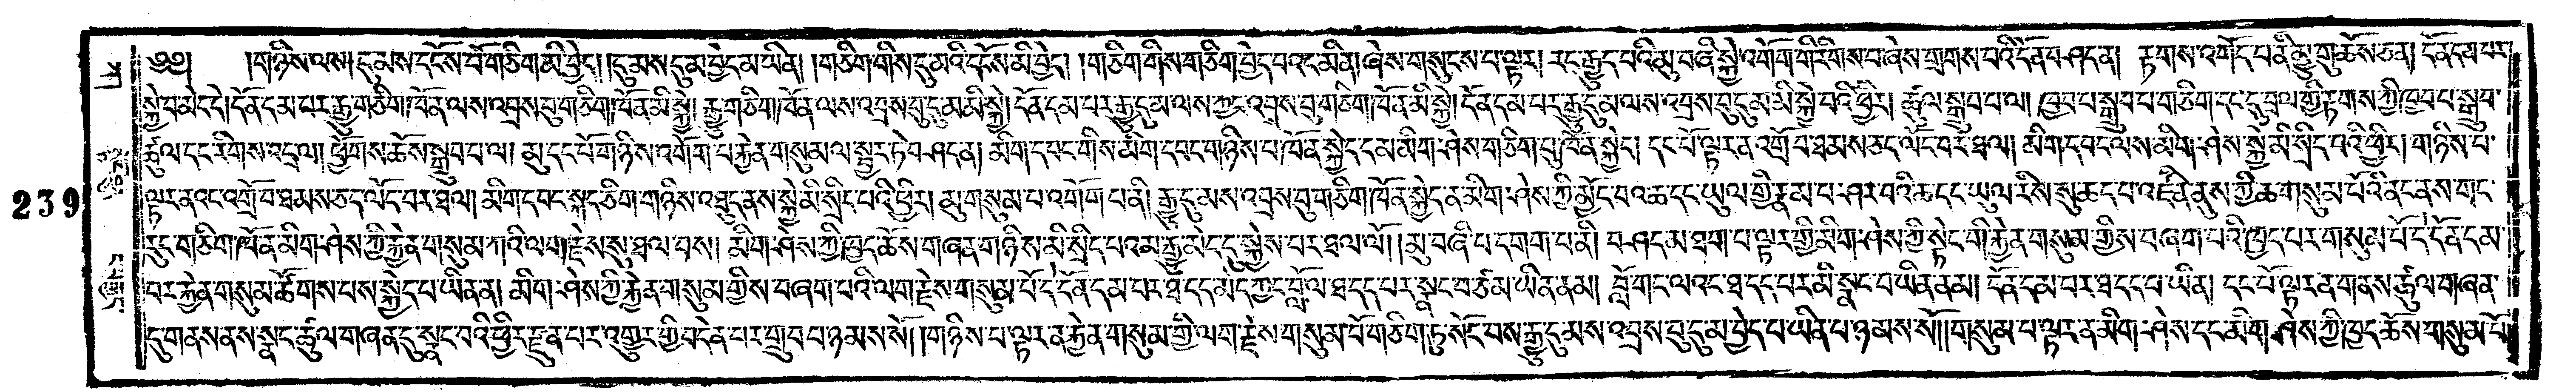༄༅། །གཉིས་ལས། དུ་མས་དངོས་པོ་གཅིག་མི་བྱེད། །དུ་མས་དུ་མ་བྱེད་མ་ཡིན། །གཅིག་གིས་དུ་མའི་དངོས་མི་བྱེད། །གཅིག་གིས་གཅིག་བྱེད་པའང་མིན། ཞེས་གསུངས་པ་ལྟར། རང་རྒྱུད་པའི་མུ་བཞི་སྐྱེ་འགོག་གི་རིགས་པ་ཞེས་གྲགས་པའི་དོན་བཤད་ན། རྟགས་འགོད་པ་ནི་མྱུ་གུ་ཆོས་ཅན། དོན་དམ་པར་
སྐྱེ་བ་མེད་དེ། དོན་དམ་པར་རྒྱུ་གཅིག་ཁོ་ན་ལས་འབྲས་བུ་གཅིག་ཁོ་ན་མི་སྐྱེ། རྒྱུ་གཅིག་ཁོ་ན་ལས་འབྲས་བུ་དུ་མ་མི་སྐྱེ། དོན་དམ་པར་རྒྱུ་དུ་མ་ལས་ཀྱང་འབྲས་བུ་གཅག་ཁོ་ན་མི་སྐྱེ། དོན་དམ་པར་རྒྱུ་དུ་མ་ལས་འབྲས་བུ་དུམ་མི་སྐྱེ་བའི་ཕྱིར། ཚུལ་སྒྲུབ་པ་ལ། ཁྱབ་པ་སྒྲུབ་པ་གཅིག་དང་དུ་བྲལ་གྱི་རྟགས་ཀྱི་ཁྱབ་པ་སྒྲུབ་
ཚུལ་དང་རིགས་འདྲ་ལ། ཕྱོགས་ཆོས་སྒྲུབ་པ་ལ། མུ་དང་པོ་གཉིས་འགོག་པ་རྐྱེན་གསུམ་ལ་སྦྱར་ཏེ་བཤད་ན། མིག་དབང་གིས་མིག་དབང་གཉིས་པ་ཁོ་ན་སྐྱེད་དམ་མིག་ཤེས་གཅིག་པུ་ཁོ་ན་སྐྱེད། དང་པོ་ལྟར་ན་འགྲོ་བ་ཐམས་ཅད་ལོང་བར་ཐལ། མིག་དབང་ལས་མིག་ཤེས་སྐྱེ་མི་སྲིད་པའི་ཕྱིར། གཉིས་པ་
ལྟར་ནའང་འགྲོ་བ་ཐམས་ཅད་ལོང་བར་ཐལ། མིག་དབང་སྐད་ཅིག་གཉིས་འཐུད་ནས་སྐྱེ་མི་སྲིད་པའི་ཕྱིར། མུ་གསུམ་པ་འགོག་པ་ནི། རྒྱུ་དུ་མས་འབྲས་བུ་གཅིག་ཁོ་ན་སྐྱེད་ན་མིག་ཤེས་ཀྱི་མྱོང་བའི་ཆ་དང་ཡུལ་གྱི་རྣམ་པ་ཤར་བའི་ཆ་དང་ཡུལ་རིས་སུ་ཆད་པ་འཛིན་ནུས་ཀྱི་ཆ་གསུམ་པོའི་ནང་ནས་གང་
རུང་གཅིག་ཁོ་ན་མིག་ཤེས་ཀྱི་རྐྱེན་གསུམ་ཀའི་ལག་རྗེས་སུ་ཐལ་བས། མིག་ཤེས་ཀྱི་ཁྱད་ཆོས་གཞན་གཉིས་མི་སྲིད་པའམ་རྒྱུ་མེད་དུ་སྐྱེས་པར་ཐལ་ལོ། །མུ་བཞི་པ་དགག་པ་ནི། བཤད་མ་ཐག་པ་ལྟར་གྱི་མིག་ཤེས་ཀྱི་སྟེང་གི་རྐྱེན་གསུམ་གྱིས་བཞག་པའི་ཁྱད་པར་གསུམ་པོ་དེ་དོན་དམ་
བར་རྐྱེན་གསུམ་ཚོགས་པས་སྐྱེད་པ་ཡིན་ན། མིག་ཤེས་ཀྱི་རྐྱེན་གསུམ་གྱིས་བཞག་པའི་ལག་རྗེས་གསུམ་པོ་དེ་དོན་དམ་པར་ཐ་དད་མེད་ཀྱང་བློ་ལ་ཐ་དད་པར་སྣང་བ་ཙམ་ཡིན་ནམ། བློ་གང་ལའང་ཐ་དད་པར་མི་སྣང་བ་ཡིན་ནམ། དོན་དམ་པར་ཐ་དད་པ་ཡིན། དང་པོ་ལྟར་ན་གནས་ཚུལ་གཞན་
དུ་གནས་ནས་སྣང་ཚུལ་གཞན་དུ་སྣང་བའི་ཕྱིར་རྫུན་པར་འགྱུར་གྱི་བདེན་པར་གྲུབ་པ་ཉམས་སོ། །གཉིས་པ་ལྟར་ན་རྐྱེན་གསུམ་གྱི་ལག་རྗེས་གསུམ་པོ་གཅིག་ཏུ་སོང་བས་རྒྱུ་དུ་མས་འབྲས་བུ་དུ་མ་བྱེད་པ་ཡིན་པ་ཉམས་སོ། །གསུམ་པ་ལྟར་ན་མིག་ཤེས་དང་མིག་ཤེས་ཀྱི་ཁྱད་ཆོས་གསུམ་པོ་